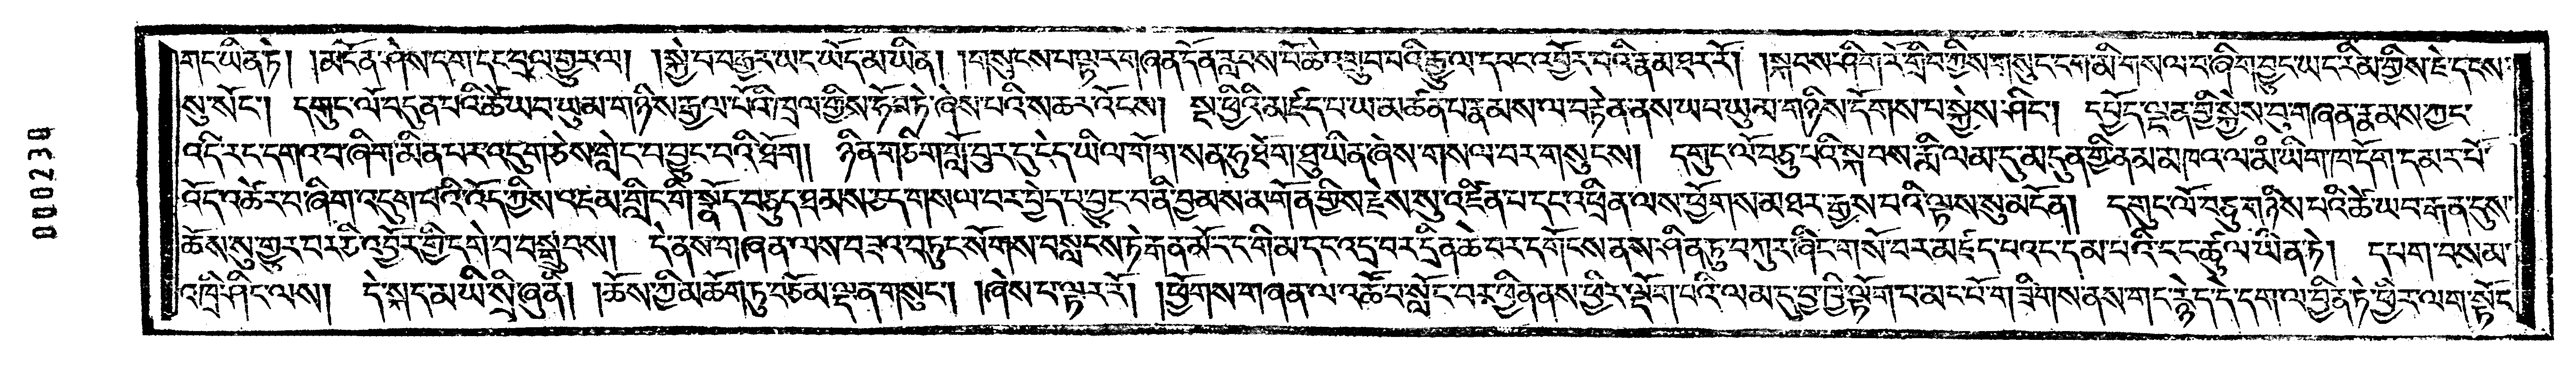གང་ཡིན་ཏེ། །མངོན་ཤེས་དག་དང་བྲལ་གྱུར་ལ། །སྐྱེ་བ་བགྱུར་ཡང་ཡོད་མ་ཡིན། །གསུངས་བ་ལྟར་གཞན་དོན་རླབས་པོ་ཆེ་འགྲུབ་པའི་རྒྱུ་ལ་དབང་འབྱོར་བའི་རྣམ་ཐར་རོ། །སྐབས་ཤིག་རོ་གྲིབ་ཀྱིས་གསུང་ངག་མི་གསལ་བ་ཞིག་བྱུང་ཡང་རིམ་གྱིས་ཇེ་དངས་
སུ་སོང་། དགུང་ལོ་བདུན་པའི་ཚེ་ཡབ་ཡུམ་གཉིས་རྒྱལ་པོའི་ཁྲལ་གྱིས་ཧོབ་ཏེ་ཞེས་པའི་ས་ཆར་འོངས། སྔ་ཕྱིའི་མཛད་པ་ཡ་མཚན་པ་རྣམས་ལ་བརྟེན་ནས་ཡབ་ཡུམ་གཉིས་དོགས་པ་སྐྱེས་ཤིང་། དཔྱོད་ལྡན་གྱི་སྐྱེས་བུ་གཞན་རྣམས་ཀྱང་
འདི་རང་དགའ་བ་ཞིག་མིན་པར་འདུག་ཅེས་གླེང་བ་བྱུང་བའི་ཐོག། ཉིན་གཅིག་གློ་བུར་དུ་ངེད་ཡིལ་གོགས་ན་ཧུ་ཐོག་ཐུ་ཡིན་ཞེས་གསལ་བར་གསུངས། དགུང་ལོ་བཅུ་པའི་སྐབས་རྨི་ལམ་དུ་མདུན་གྱི་ནམ་མཁའ་ལ་མཾ་ཡིག་ཁ་དོག་དམར་པོ་
འོད་འཚེར་བ་ཞིག་འདུག་པའི་འོད་ཀྱིས་འཛམ་གླིང་གི་སྣོད་བཅུད་ཐམས་ཅད་གསལ་བར་བྱེད་པ་བྱུང་བ་ནི་བྱམས་མགོན་གྱིས་རྗེས་སུ་འཛིན་པ་དང་འཕྲིན་ལས་ཕྱོགས་མཐར་རྒྱས་པའི་ལྟས་སུ་མངོན། དགུང་ལོ་བཅུ་གཉིས་པའི་ཚེ་ཡབ་རྒན་དུས་
ཆོས་སུ་གྱུར་པར་ཅི་འབྱོར་གྱི་དགེ་བ་བསྒྲུབས། དེ་ནས་གཞན་ལས་བཟའ་བཏུང་སོགས་བསླངས་ཏེ་རྒེན་མོ་རང་གི་མ་དང་འདྲ་བར་དྲིན་ཆེ་བར་དགོངས་ནས་ཤིན་ཏུ་བཀུར་ཞིང་གསོ་བར་མཛད་པའང་དམ་པའི་ངང་ཚུལ་ཡིན་ཏེ། དཔག་བསམ་
འཁྲི་ཤིང་ལས། དེ་སྐད་མ་ཡི་སྲི་ཞུ་ནི། །ཆོས་ཀྱི་མཆོག་ཏུ་བཅོམ་ལྡན་གསུང་། །ཞེས་པ་ལྟར་རོ། །ཕྱོགས་གཞན་ལ་འཚོ་བ་སློང་བར་ཕྱིན་ནས་ཕྱིར་ལྡོག་པའི་ལམ་དུ་བྱ་ཁྱི་ལྟོག་པ་མང་པོ་གཟིགས་ནས་གང་རྙེད་དེ་དག་ལ་བྱིན་ཏེ་ཕྱིར་ལག་སྟོངས་